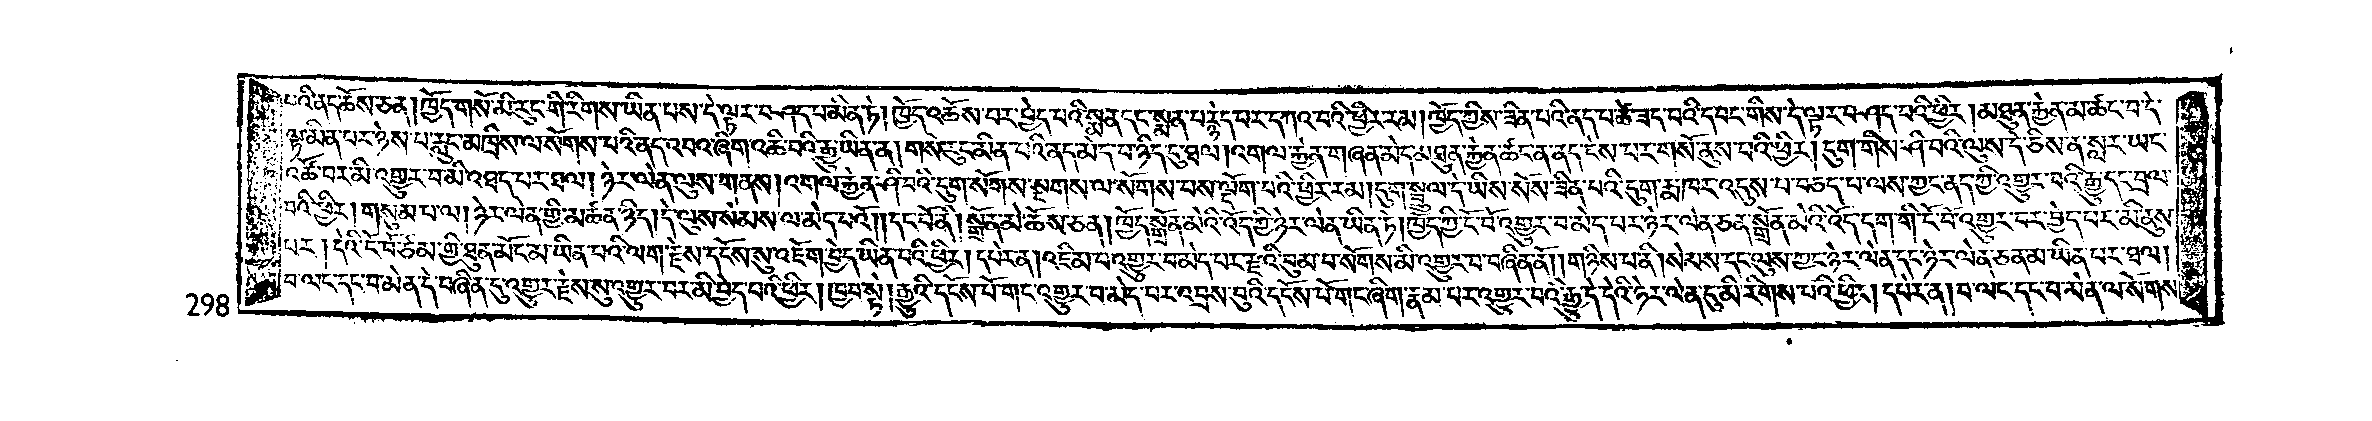པའི་ནད་ཆོས་ཅན། ཁྱོད་གསོ་མི་རུང་གི་རིགས་ཡིན་པས་དེ་ལྟར་བཤད་པ་མིན་ཏེ། ཁྱོད་འཆོས་པར་བྱེད་པའི་སྨན་དང་སྨན་པ་རྙེད་པར་དཀའ་བའི་ཕྱིར་རམ། ཁྱོད་ཀྱིས་ཟིན་པའི་ནད་པ་ཚེ་ཟད་པའི་དབང་གིས་དེ་ལྟར་བཤད་པའི་ཕྱིར། མཐུན་རྐྱེན་མ་ཚང་བ་དེ་
ལྟ་མིན་པར་ཉེས་པ་རླུང་མཁྲིས་ལ་སོགས་པའི་ནད་འབའ་ཞིག་འཆི་བའི་རྒྱུ་ཡིན་ན། གསེ་རུང་མིན་པའི་ནད་མེད་པ་ཉིད་དུ་ཐལ། འགལ་རྐྱེན་གཞན་མེད་མཐུན་རྐྱེན་ཚང་ན་ནད་ངེས་པར་གསོ་ནུས་པའི་ཕྱིར། དུག་གིས་ཤི་བའི་ལུས་དེ་ཅིས་ན་སླར་ཡང་
འཚོ་བར་མི་འགྱུར་བ་མི་འཐད་པར་ཐལ། ཉེར་ལེན་ལུས་གནས། འགལ་རྐྱེན་ཤི་བའི་དུག་སོགས་སྔགས་ལ་སོགས་པས་ལྡོག་པའི་ཕྱིར་རམ། དུག་སྦྲུལ་དེ་ཡིས་སོས་ཟིན་པའི་དུག་རྨ་ཁར་འདུས་པ་བཅད་པ་ལས་ཀྱང་ནད་ཀྱི་འགྱུར་བའི་རྒྱུ་དང་བྲལ་
བའི་ཕྱིར། གསུམ་པ་ལ། ཉེར་ལེན་གྱི་མཚན་ཉིད། དེ་ལུས་སེམས་ལ་མེད་པའོ། །དང་པོ་ནི། སྒྲོན་མེ་ཆོས་ཅན། ཁྱོད་སྒྲོན་མེའི་འོད་ཀྱི་ཉེར་ལེན་ཡིན་ཏེ། ཁྱོད་ཀྱི་ངོ་བོ་འགྱུར་བ་མེད་པར་ཉེར་ལེན་ཅན་སྒྲོན་མེའི་འོད་དག་གི་ངོ་བོ་འགྱུར་བར་བྱེད་པར་མི་ནུས་
པར། དེའི་ངོ་བོ་ཙམ་གྱི་ཐུན་མོང་མ་ཡིན་པའི་ལག་རྗེས་དངོས་སུ་འཇོག་བྱེད་ཡིན་པའི་ཕྱིར། དཔེར་ན། འཇིམ་པ་འགྱུར་བ་མེད་པར་རྫའི་བུམ་པ་སོགས་མི་འགྱུར་བ་བཞིན་ནོ། །གཉིས་པ་ནི། སེམས་དང་ལུས་ཀྱང་ཉེར་ལེན་དང་ཉེར་ལེན་ཅན་མ་ཡིན་པར་ཐལ།
བ་ལང་དང་བ་མེན་དེ་བཞིན་དུ་འགྱུར་རྗེས་སུ་འགྱུར་བར་མི་བྱེད་པའི་ཕྱིར། ཁྱབ་སྟེ། རྒྱུའི་དངོས་པོ་གང་འགྱུར་བ་མེད་པར་འབྲས་བུའི་དངོས་པོ་གང་ཞིག་རྣམ་པར་འགྱུར་བའི་རྒྱུ་དེ་དེའི་ཉེར་ལེན་དུ་མི་རིགས་པའི་ཕྱིར། དཔེར་ན། བ་ལང་དང་བ་མེན་ལ་སོགས་